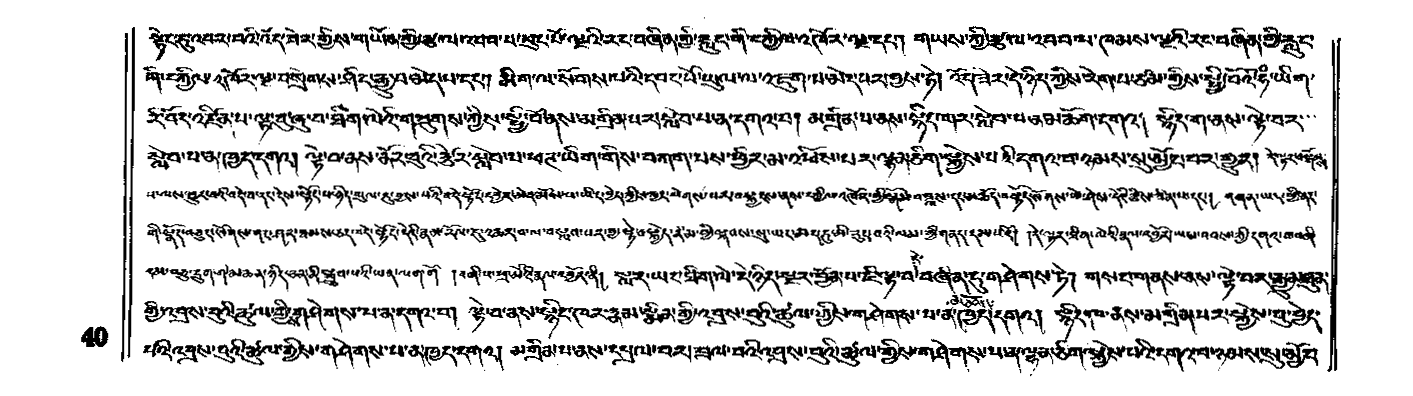སྟེང་དུ་འབར་བའི་འོད་ཟེར་གྱིས་གཡོན་གྱི་རྩ་ལ་འབབ་པ་ཕུང་པོ་ལྔའི་རང་བཞིན་གྱི་རླུང་གི་དཀྱིལ་འཁོར་ལྔ་དང་། གཡས་ཀྱི་རྩ་ལ་འབབ་པ་ཁམས་ལྔའི་རང་བཞིན་གྱི་རླུང་
གི་དཀྱིལ་འཁོར་ལྔ་བསྲེགས་ཤིང་རྒྱུ་བ་མེད་པ་དང་། མིག་ལ་སོགས་པའི་དབང་པོ་ཡུལ་ལ་འཇུག་པ་མེད་པར་བྱས་ཏེ། འོད་ཟེར་དེ་ཉིད་ཀྱིས་རེག་པ་ཙམ་གྱིས་སྤྱི་བོའི་ཧམ་ཡིག་
རི་བོར་འཛིན་པ་ལྟ་བུ་ཞུ་བ་ཐིག་ལེའི་གཟུགས་ཀྱིས་སྤྱི་བོ་ནས་མགྲིན་པར། སླེབ་པ་ན་དགའ་བ། མགྲིན་པ་ནས་སྙིང་གར་སླེབ་པ་ན་མཆོག་དགའ༑ སྙིང་ག་ནས་ལྟེ་བར་
སླེབ་པ་ན་ཁྱད་དགའ། ལྟེ་བ་ནས་ནོར་བུའི་རྩེར་སླེབ་པ་ཕཊ་ཡིག་གིས་བཀག་པས་ཕྱིར་མ་འཕོས་པར་ལྷན་ཅིག་སྐྱེས་པའི་དགའ་བ་ཉམས་སུ་མྱོང་བར་གྱུར། དེ་ལྟར་བསྒོམས་
པ་ལས་བྱུང་བའི་བདེ་བ་རང་དེས་སྟོང་པ་ཉིད་ཡུལ་དུ་བྱས་པའི་བདེ་སྟོང་དབྱེར་མེད་མོས་པ་ཡིད་བྱེད་ཀྱིས་རྐྱང་ལེགས་པར་བསྐྱངས་ནས་དཀྱིལ་འཁོར་གྱི་སྒོམ་བཟླས་དང་མཆོད་བསྟོད་སོགས་ཡེ་ཤེས་དེའི་རྩིས་ཟིན་པ་དང་། གཞན་ཡང་ཕྱི་ནང་
གི་སྣོད་བཅུད་སོགས་གང་ཤར་ཐམས་ཅད་བདེ་སྟོང་དེའི་རྣམ་རོལ་དུ་འཆར་བ་ལ་བསླབ་པར་བྱ་སྟེ་བསྐྱེད་རིམ་གྱི་སྐབས་སུ་ཡང་མེད་དུ་མི་རུང་བའི་ལམ་གྱི་གནད་དམ་པའོ། །དེ་ལྟར་ཐིག་ལེའི་རྣལ་འབྱོར་ཡས་བབས་ཀྱི་དགའ་བ་བཞི་
འམ་བཅུ་དྲུག་གི་མཆན་ཉིད་ཅན་ནི་སྒྲུབ་པའི་ཡན་ལག་གོ །བཞི་པ་ཕྲ་མོའི་རྣལ་འབྱོར་ནི། སླར་ཡང་ཐིག་ལེ་དེ་ཉིད་སྔར་བྱོན་པ་ཇི་ལྟ་བ་དེ་བཞིན་དུ་གཤེགས་ཏེ། གསང་གནས་ནས་ལྟེ་བར་རྒྱུ་མཐུན་
གྱི་འབྲས་བུའི་ཚུལ་གྱིས་གཤེགས་པ་ན་དགའ་བ། ལྟེ་བ་ནས་སྙིང་ཁར་རྣམ་སྨིན་གྱི་འབྲས་བུའི་ཚུལ་གྱིས་གཤེགས་པ་ན་མཆོད?་ཁྱད་དགའ། སྙིང་ཁ་ནས་མགྲིན་པར་སྐྱེས་བུ་བྱེད་
པའི་འབྲས་བུའི་ཚུལ་གྱིས་གཤེགས་པ་ན་ཁྱད་དགའ། མགྲིན་པ་ནས་དཔྲལ་བར། བྲལ་བའི་འབྲས་བུའི་ཚུལ་གྱིས་གཤེགས་པ་ན་ལྷན་ཅིག་སྐྱེས་པའི་དགའ་བ་ཉམས་སུ་མྱོང་